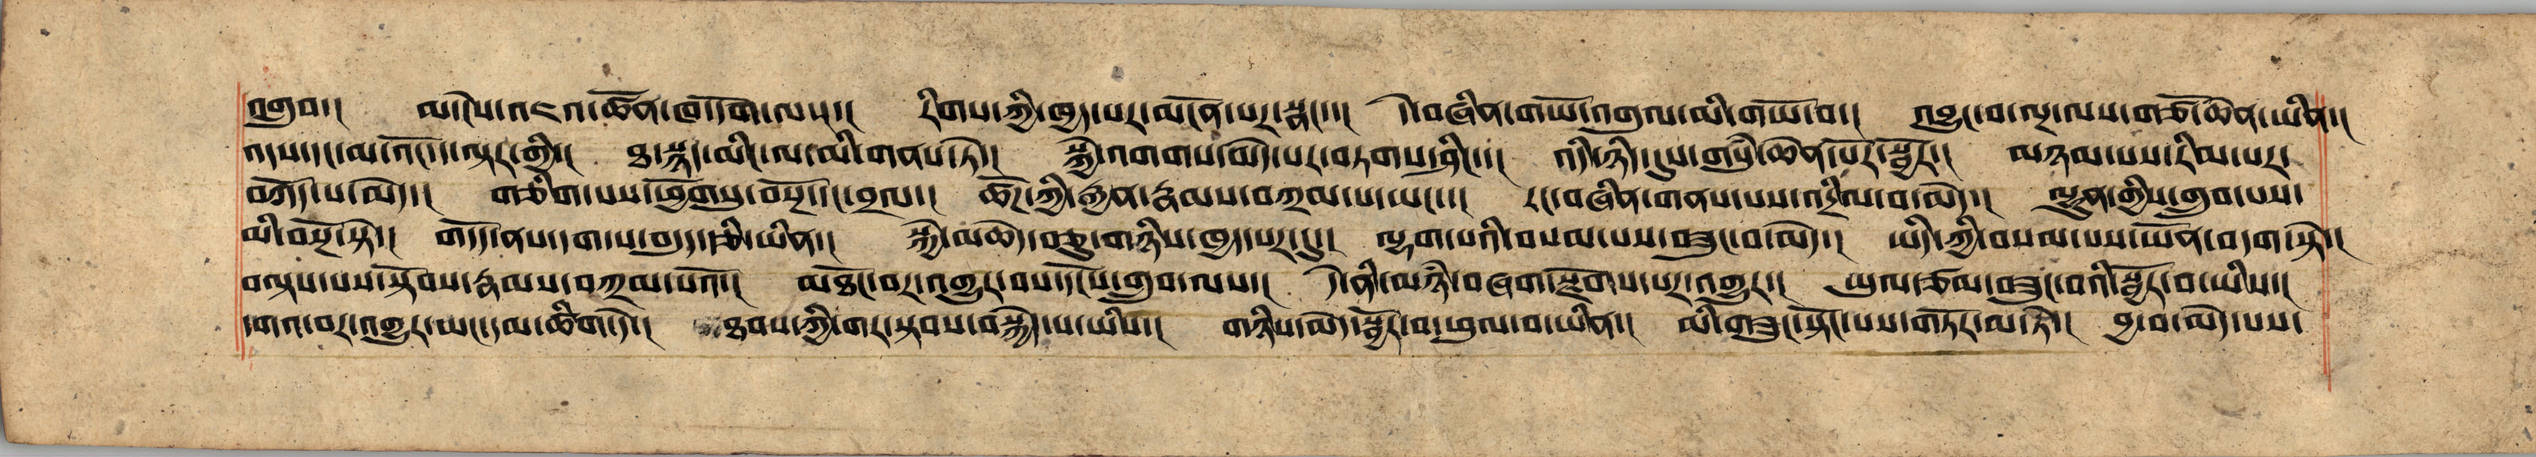འགྲུབ་། མ་ངེས་འཇའ་ཚོན་ཁ་དོག་ལས་། རིགས་ཀྱི་ཁྱད་པར་མངོན་པར་སྣང་་། དེ་བཞིན་གཡོ་འགུལ་མི་གཡོ་བ་། འབྱུང་བ་ལྔ་ལས་གཙོ་ཆེན་ཡིན
འདའ་དང་མ་འོང་ད་ལྟར་གྱི་། ཐ་སྙད་མིང་ལ་མི་གནས་ཏེ་། སྐྱེ་འགགས་མེད་པར་བཏགས་ཤིང་་། འདི་ཉིད་དུས་གསུཾ་ཆེན་པོར་སྦྱོར་། མཉམ་པས་རིམ་པར་
བཀོད་པ་མེད་། གཅིག་པས་ཕྱོགསུ་བསྔོ་དང་བྲལ་། ཚོཌ་ཀྱི་རྒྱན་རྣམས་བཀྲམ་པ་ཡང་་། རང་བཞིན་གནས་པས་འདྲིལ་བ་མེད་། ལྷུན་གྱིས་གྲུབ་པས་
མི་བསྔོ་སྟེ་། གདོད་ནས་དག་པ་བདུད་རྩི་ཡིན་། སྐྱེ་མཆེད་བཅུ་གཉིས་ཁྱད་པར་དུ་། ལྷག་པའི་བསམ་པས་བཟུང་བ་མེད་། ཡིད་ཀྱི་བསམ་པས་ཡོན་བདག་སྟེ་
བལྟས་པས་སྟོབས་རྣམས་བཀྲམ་པའོ་། མཐོང་བར་འགྱུར་བས་དངོས་གྲུབ་ལས་། དེ་ནི་མཉཾ་བཞག་སྫོགས་པར་འགྱུར་། ཡུལ་ཙམ་བཟུང་བའི་སྦྱོར་བ་ཡིས་།
དགའ་བར་འགྱུར་ཡང་དམ་ཚིག་དེ་། ཐབས་ཀྱི་གར་སྟབས་བསྐྱེད་པ་ཡིས་། གཉིས་མེད་སྦྱོར་བ་ཕུལ་བ་ཡིན་། མི་གཟུང་སྟོང་པས་གཏོར་མ་ཏེ་། བྱ་བ་མེད་པས་